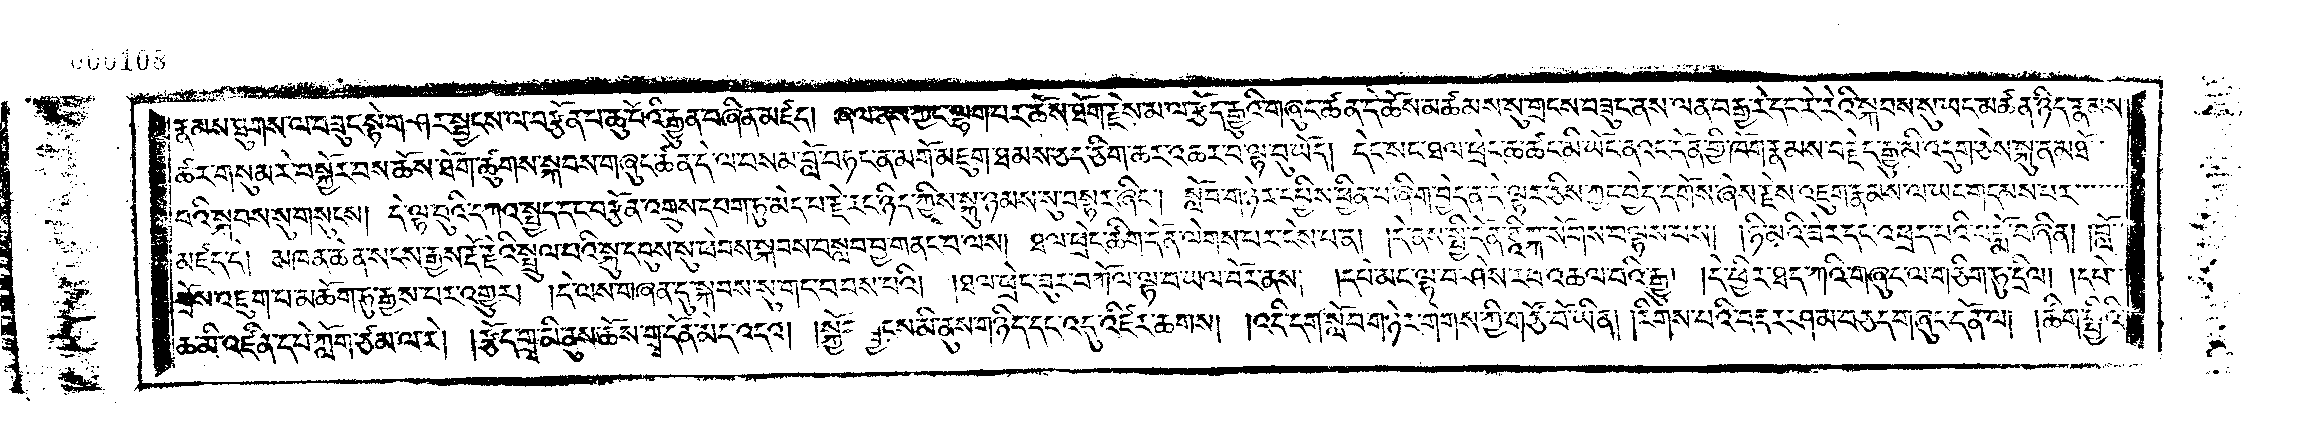རྣམས་ཐུགས་ལ་བཟུང་སྟེ་གཤར་སྦྱངས་ལ་བརྩོན་པ་ཆུ་བོའི་རྒྱུན་བཞིན་མཛད། ཞལ་ནས་ཀྱང་ལྷག་པར་ཆོས་ཐོག་རྗེས་མ་ལ་རྩོད་རྒྱུའི་གཞུང་ཚན་དེ་ཆོས་མཚམས་སུ་གྲངས་བཟུང་ནས་ལན་བརྒྱ་རེ་དང་རེ་རེའི་སྐབས་སུ་ཡང་མཚན་ཉིད་རྣམས་
ཚར་གསུམ་རེ་བསྐྱོར་བས་ཆོས་ཐོག་ཚུགས་སྐབས་གཞུང་ཚན་དེ་ལ་བསམ་བློ་བཏང་ན་མགོ་མཇུག་ཐམས་ཅད་ཅིག་ཆར་འཆར་བ་ལྟ་བུ་ཡོད། དེང་སང་ཐལ་ཕྲེང་ཆ་ཚང་མི་ཡོང་ནའང་དོན་གྱི་ཁོག་རྣམས་བརྗེད་རྒྱུ་མི་འདུག་ཅེས་སྐུ་ན་མཐོ་
བའི་སྐབས་སུ་གསུངས། དེ་ལྟ་བུའི་དཀའ་སྤྱད་དང་བརྩོན་འགྲུས་དཔག་ཏུ་མེད་པ་རྗེ་རང་ཉིད་ཀྱིས་སྐུ་ཉམས་སུ་བསྟར་ཞིང་། སློབ་གཉེར་དབྱིས་ཕྱིན་པ་ཞིག་བྱེད་ན་དེ་ལྟར་ཅིས་ཀྱང་བྱེད་དགོས་ཞེས་རྗེས་འཇུག་རྣམས་ལ་ཡང་གདམས་པར་
མཛད་དེ། མཁན་ཆེན་སངས་རྒྱས་རྡོ་རྗེའི་སྤྲུལ་བའི་སྐུ་དབུས་སུ་ཕེབས་སྐབས་བསླབ་བྱ་གནང་བ་ལས། ཐལ་ཕྲེང་ཚིག་དོན་ལེགས་པར་ངེས་པ་ན། །དེ་ནས་སྤྱི་དོན་ཊཱིཀྐ་སོགས་བལྟས་པས། །ཉི་མའི་ཟེར་དང་འཕྲད་པའི་པདམོ་བཞིན། །བློ་
གྲོས་འཇུག་པ་མཆོག་ཏུ་རྒྱས་པར་འགྱུར། །དེ་ལས་གཞན་དུ་སྐབས་སུ་གང་བབས་པའི། །ཐལ་ཕྲེང་ཟུར་བཀོལ་ལྟ་བ་ཡལ་བོར་ནས། །དཔེ་མང་ལྟ་བ་ཤེས་རབ་འཆལ་བའི་རྒྱུ། །དེ་ཕྱིར་ཐད་ཀའི་གཞུང་ལ་གཅིག་ཏུ་དྲིལ། །དཔེ་
ཆ་མི་འཛིན་དཔེ་ཀློག་ཙམ་ལ་རེ། །རྩོད་གྲྭ་མི་ནུས་ཆོས་གྲྭ་དོན་མེད་འདའ། །སྐྱོར་སྦྱངས་མི་ནུས་གཉིད་དང་འདུ་འཛིར་ཆགས། །འདི་དག་སློབ་གཉེར་གེགས་ཀྱི་གཙོ་བོ་ཡིན། །རིགས་པའི་བདར་ཤ་མ་བཅད་གཞུང་དོན་ལ། །ཚིག་སྤྱིའི་